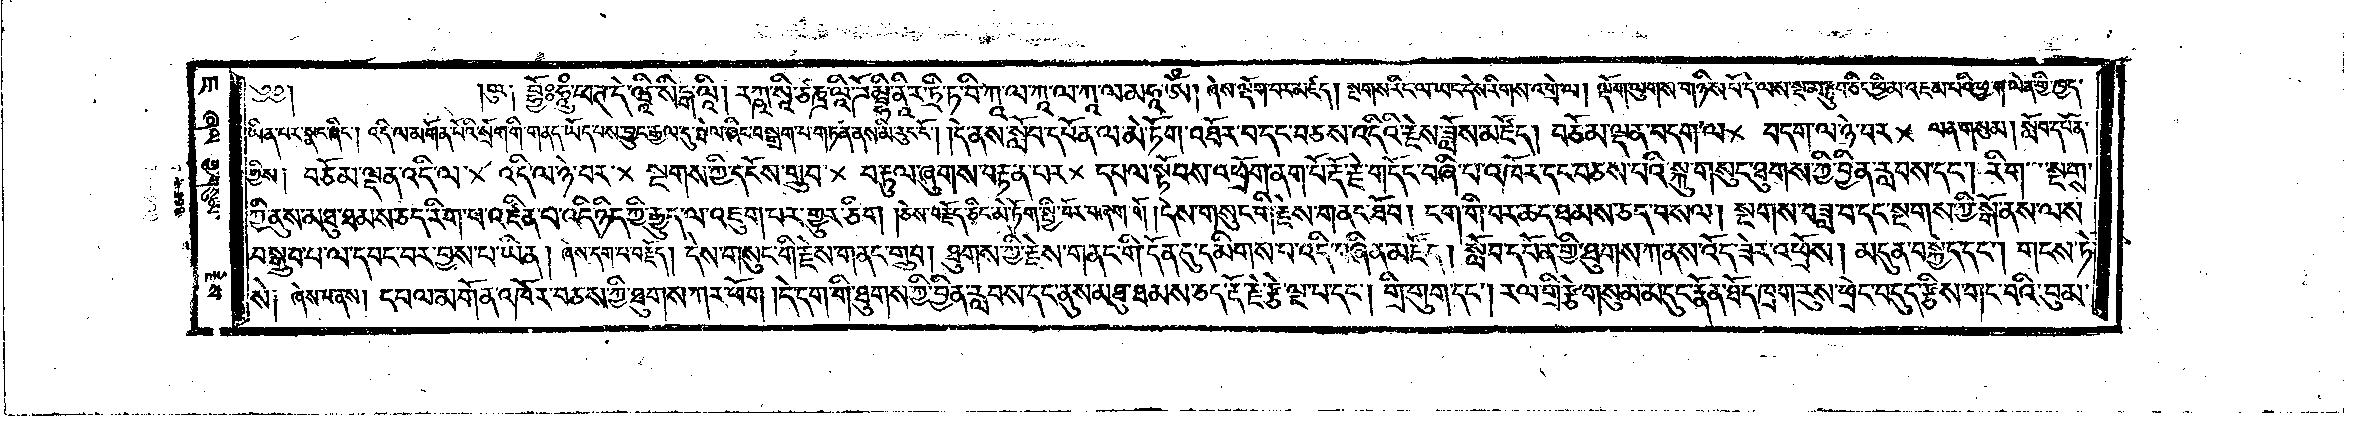༄༅། །བུར༑ བྷྱོཿ ཧཱུཾ་ཕཊ་དེ་ཝཱི་སིངྒ་ལཱི། རཀྵ་སཱི་ཙཎྜ་ལཱི་ཌོམྦྷི་ནཱི་ར་ཏྲི་ཏ་བི་ཀཱ་ལ་ཀཱ་ལ་ཀཱ་ལ་མཧཱ་ཨོཾ། ཞེས་ལྡོག་པར་མཛད། སྔགས་རིང་ལ་ཡང་དེས་རིགས་འགྲེ་ལ། ལྡོག་ལུགས་གཉིས་པོ་དེ་ལས་སྔ་མ་རྩུབ་ཅིང་ཕྱི་མ་འཇམ་པའི་ཕྱག་ལེན་གྱི་ཁྱད་
ཡིན་པར་སྣང་ཞིང་། འདི་ལ་མངོན་པོའི་སྲོག་གི་གནད་ཡོད་པས་བྱུང་རྒྱལ་དུ་སྤེལ་ཞིང་བསྒྲག་པ་གཏན་ནས་མི་རུང་ངོ། །དེ་ནས་སློབ་དཔོན་ལ་མེ་ཏོག་འཐོར་བ་དང་བཅས་འདིའི་རྗེས་ཟློས་མཛོད། བཅོམ་ལྡན་བདག་ལ་྾་བདག་ལ་ཉེ་བར་྾་ལན་གསུམ། སློབ་དཔོན་
གྱིས། བཅོམ་ལྡན་འདི་ལ་྾་འདི་ལ་ཉེ་བར་྾་སྔགས་ཀྱི་དངོས་གྲུབ་྾་བརྟུལ་ཞུགས་བརྟན་པར྾་དཔལ་སྟོབས་འཕྲོག་ནག་པོ་རྡོ་རྗེ་གདོང་བཞི་པའི་འཁོར་དང་བཅས་པའི་སྐུ་གསུང་ཐུགས་ཀྱི་བྱིན་རླབས་དང་། རིག་པ་སྔགས་
ཀྱི་ནུས་མཐུ་ཐམས་ཅད་རིག་པ་འཛིན་པ་འདི་ཉིད་ཀྱི་རྒྱུད་ལ་འཇུག་པར་གྱུར་ཅིག་།ཅེས་བརྗོད་ཅིང་མེ་ཏོག་སྤྱི་བོར་བཞག་གོ་།དེས་གསུང་གི་རྗེས་གནང་ཐོབ། ངག་གི་བར་ཆད་ཐམས་ཅད་བསལ། སྔགས་བཟླ་བ་དང་སྔགས་ཀྱི་སྒོ་ནས་ལས་
བསྒྲུབ་པ་ལ་དབང་བར་བྱས་པ་ཡིན། ཞེས་དག་པ་བརྗོད།  དེས་གསུང་གི་རྗེས་གནང་གྲུབ། ཐུགས་ཀྱི་རྗེས་གནང་གི་དོན་དུ་དམིགས་པ་འདི་བཞིན་མཛོད། སློབ་དཔོན་གྱི་ཐུགས་ཀ་ནས་འོད་ཟེར་འཕྲོས། མདུན་བསྐྱེད་དང་། གངས་ཏེ་
སེ། ཞེས་པ་ནས།  དཔལ་མགོན་འཁོར་བཅས་ཀྱི་ཐུགས་ཀར་ཕོག །དེ་དག་གི་ཐུགས་ཀྱི་བྱིན་རླབས་དང་ནུས་མཐུ་ཐམས་ཅད་རྡོ་རྗེ་རྩེ་ལྔ་པ་དང་། གྲི་གུག་དང་། རལ་གྲི་རྩེ་གསུམ་མདུང་རྣོན་ཐོད་ཁྲག་རུས་ཕྲེང་བདུད་རྩིས་གང་བའི་བུམ་